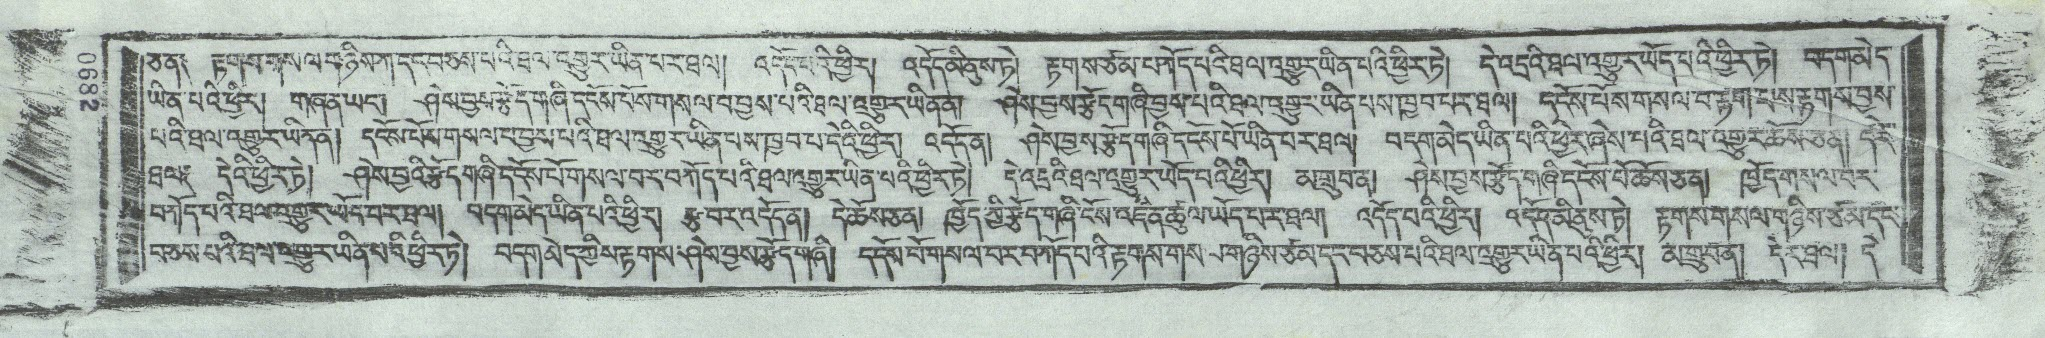ཅན༑ རྟགས་གསལ་གཉིས་ཀ་དང་བཅས་པའི་ཐལ་འགྱུར་ཡིན་པར་ཐལ། འདོད་པའི་ཕྱིར། འདོད་མི་ནུས་ཏེ། རྟགས་ཙམ་བཀོད་པའི་ཐལ་འགྱུར་ཡིན་པའི་ཕྱིར་ཏེ། དེ་འདྲའི་ཐལ་འགྱུར་ཡོད་པའི་ཕྱིར་ཏེ། བདག་མེད་
ཡིན་པའི་ཕྱིར། གཞན་ཡང་། ཤེས་བྱས་རྩོད་གཞི་དངོས་པོས་གསལ་བ་བྱས་པའི་ཐལ་འགྱུར་ཡིན་ན། ཤེས་བྱས་རྩོད་གཞི་བྱས་པའི་ཐལ་འགྱུར་ཡིན་པས་ཁྱབ་པར་ཐལ། དངོས་པོས་གསལ་བ་རྟག་པས་རྟགས་བྱས་
པའི་ཐལ་འགྱུར་ཡིན་ན། དངོས་པོས་གསལ་པ་བྱས་པའི་ཐལ་འགྱུར་ཡིན་པས་ཁྱབ་པ་དེའི་ཕྱིར། འདོད་ན། ཤེས་བྱས་རྩོད་གཞི་དངོས་པོ་ཡིན་པར་ཐལ། བདག་མེད་ཡིན་པའི་ཕྱིར་ཞེས་པའི་ཐལ་འགྱུར་ཆོས་ཅན། དེར་
ཐལ༑ དེའི་ཕྱིར་ཏེ། ཤེས་བྱའི་རྩོད་གཞི་དངོས་པོ་གསལ་བར་བཀོད་པའི་ཐལ་འགྱུར་ཡིན་པའི་ཕྱིར་ཏེ། དེ་འདྲའི་ཐལ་འགྱུར་ཡོད་པའི་ཕྱིར། མ་གྲུབ་ན། ཤེས་བྱས་རྩོད་གཞི་དངོས་པོ་ཆོས་ཅན། ཁྱོད་གསལ་བར་
བཀོད་པའི་ཐལ་འགྱུར་ཡོད་པར་ཐལ། བདག་མེད་ཡིན་པའི་ཕྱིར། རྩ་བར་འདོད་ན། དེ་ཆོས་ཅན། ཁྱོད་ཀྱི་རྩོད་གཞི་ངོས་འཛིན་ཚུལ་ཡོད་པར་ཐལ། འདོད་པའི་ཕྱིར། འདོད་མི་ནུས་ཏེ། རྟགས་གསལ་གཉིས་ཙམ་དང་
བཅས་པའི་ཐལ་འགྱུར་ཡིན་པའི་ཕྱིར་ཏེ། བདག་མེད་ཀྱིས་རྟགས་ཤེས་བྱས་རྩོད་གཞི། དངོས་པོ་གསལ་བར་བཀོད་པའི་རྟགས་གསལ་གཉིས་ཙམ་དང་བཅས་པའི་ཐལ་འགྱུར་ཡིན་པའི་ཕྱིར། མ་གྲུབ་ན། དེར་ཐལ། དེ་